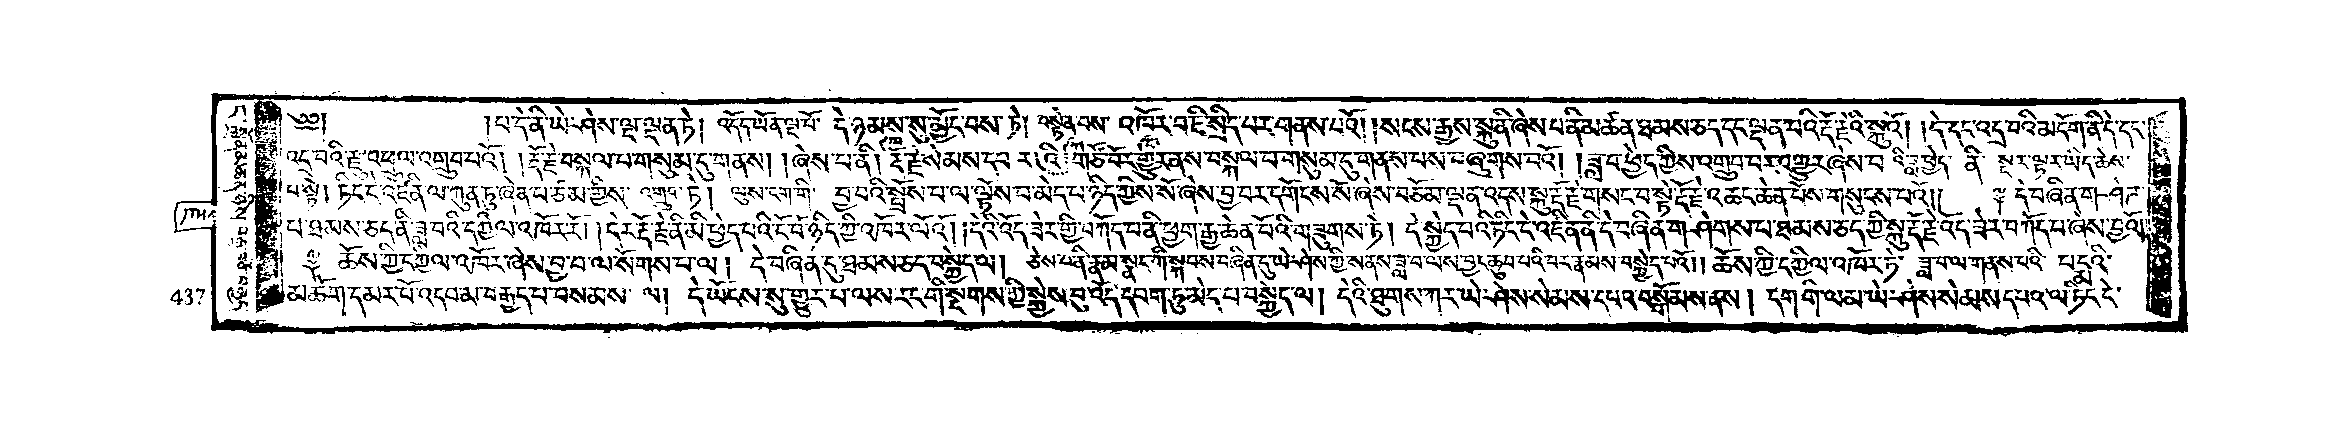༄༅། །པ་དེ་ནི་ཡེ་ཤེས་ལྔ་ལྡན་ཏེ། འདོད་ཡོན་ལྔ་པོ་དེ་ཉམས་སུ་མྱོང་བས་ཏེ། བསྟེན་པས་འཁོར་བ་ཇི་སྲིད་བར་གནས་པའོ། །སངས་རྒྱས་སྐུ་ནི་ཞེས་པ་ནི་མཚན་ཐམས་ཅད་དང་ལྡན་པའི་རྡོ་རྗེའི་སྐུའོ། །དེ་དང་འདྲ་བའི་མདོག་ནི་དེ་དང་
འདྲ་བའི་རྫུ་འཕྲུལ་འགྲུབ་པའོ། །རྡོ་རྗེ་བསྐལ་པ་གསུམ་དུ་གནས། །ཞེས་པ་ནི། ?ཁ་རྡོ་རྗེ་སེམས་དཔའ་འི་?ཀ་གཙོ་བོར་ཁ་གྱུར་ནས་བསྐལ་པ་གསུམ་དུ་གནས་པས་བཞུགས་པའོ། །ཟླ་བ་ཕྱེད་ཀྱིས་འགྲུབ་པར་འགྱུར་ཞེས་པའི་ཟླ་ཕྱེད་ནི་སྔར་ལྟར་ཡིད་ཆེས་
པ་སྟེ། ཏིང་ངེ་འཛིན་ལ་ཀུན་ཏུ་ཞེན་པ་ཙམ་གྱིས་འགྲུབ་ཏེ། ལུས་ངག་གི་བྱ་བའི་སྤྲོས་པ་ལ་ལྟོས་པ་མེད་པ་ཉིད་ཀྱིས་སོ་ཞེས་བྱ་བར་དགོངས་སོ་ཞེས་བཅོམ་ལྡན་འདས་སྐུ་རྡོ་རྗེ་གསང་བ་སྟེ་རྡོ་རྗེ་འཆང་ཆེན་པོས་གསུངས་པའོ།། ༈ དེ་བཞིན་གཤེཌ་
པ་ཐམས་ཅད་ནི་ཟླ་བའི་དཀྱིལ་འཁོར་རོ། །དེར་རྡོ་རྗེ་ནི་མི་ཕྱེད་པའི་ངོ་བོ་ཉིད་ཀྱི་འཁོར་ལོའོ། །དེའི་འོད་ཟེར་གྱི་བཀོད་པ་ནི་ཕྱག་རྒྱ་ཆེན་པོའི་གཟུགས་ཏེ། དེ་སྐྱེད་པའི་ཏིང་ངེ་འཛིན་ནི་དེ་བཞིན་གཤེགས་པ་ཐམས་ཅད་ཀྱི་སྐུ་རྡོ་རྗེ་འོད་ཟེར་བཀོད་པ་ཞེས་བྱའོ།།
༈ ཆོས་ཀྱི་དཀྱིལ་འཁོར་ཞེས་བྱ་བ་ལ་སོགས་པ་ལ། དེ་བཞིན་དུ་ཐམས་ཅད་བསྐྱེད་ལ། ཅེས་པ་ནི་རྣམ་སྣང་གི་སྐབས་བཞིན་དུ་ཡེ་ཤེས་ཀྱི་ས་ནས་ཟླ་བ་ལས་བྱང་ཆུབ་པའི་བར་རྣམས་བསྐྱེད་པའོ། །ཆོས་ཀྱི་དཀྱིལ་འཁོར་ཏེ་ཟླ་བ་ལ་གནས་པའི་པདམའི་
མཆོག་དམར་པོ་འདབ་མ་བརྒྱད་པ་བསམས་ལ། དེ་ཡོངས་སུ་གྱུར་པ་ལས་རང་གི་སྔགས་ཀྱི་སྐྱེས་བུ་འོད་དཔག་ཏུ་མེད་པ་བསྐྱེད་ལ། དེའི་ཐུགས་ཀར་ཡེ་ཤེས་སེམས་དཔའ་བསྒོམས་ནས། ངག་གི་ལམ་ཡེ་ཤེས་སེམས་དཔའ་ལ་ཏིང་ངེ་